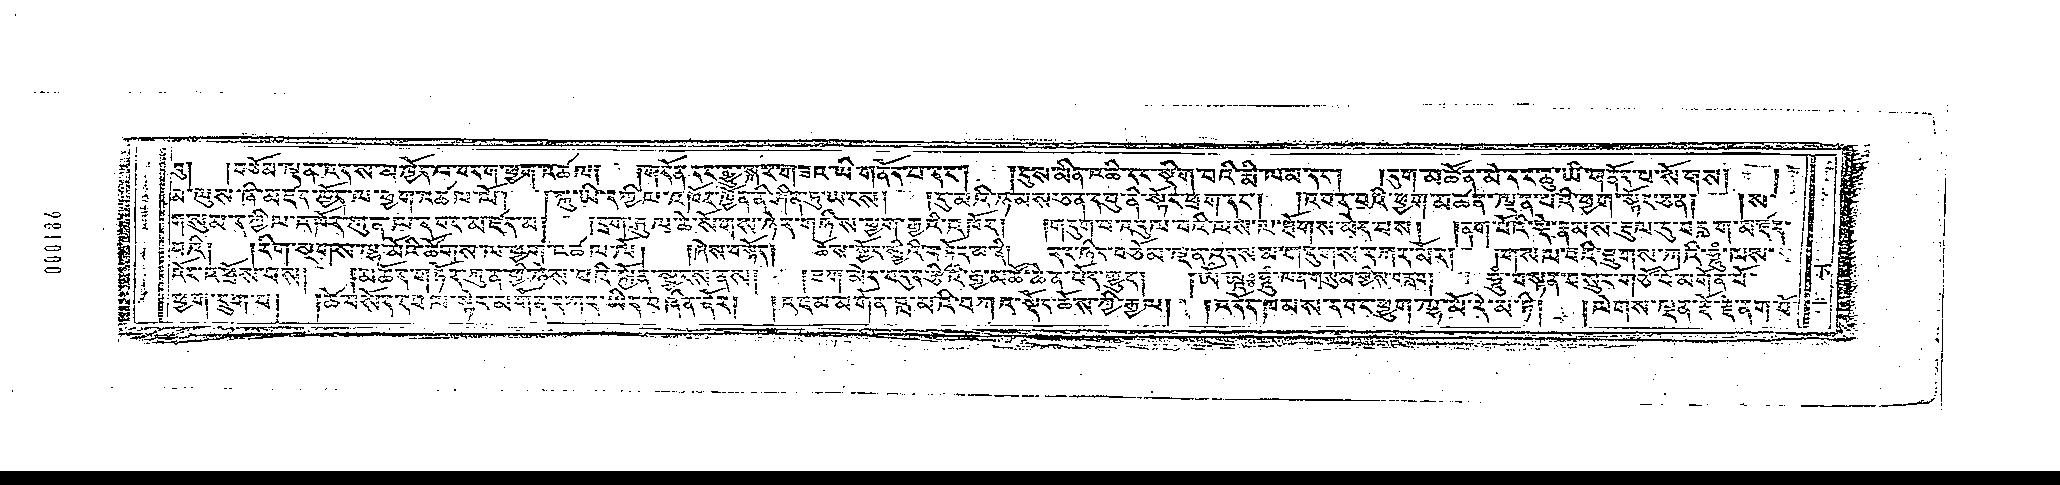པུ། །བཅོམ་ལྡན་འདས་མ་ཁྱོད་ལ་བདག་ཕྱག་འཚལ། །གདོན་དང་རྒྱུ་སྐར་གཟའ་ཡི་གནོད་པ་དང་། །དུས་མིན་འཆི་དང་སྡིག་པའི་རྨི་ལམ་དང་། །དུག་མཚོན་མེ་དང་ཆུ་ཡི་གནོད་པ་སོགས། །
མ་ལུས་ཞི་མཛད་ཁྱོད་ལ་ཕྱག་འཚལ་ལོ། །སྐུ་ཡིད་ཀྱིས་འཁོར་ཁྱོན་ནི་ཤིན་ཏུ་ཡངས། །དུ་མའི་ཉམས་ཅན་དབུ་ནི་སྟོང་ཕྲག་དང་། །འབར་པའི་ཕྱག་མཚན་ལྡན་པའི་ཕྱག་སྟོང་ཅན། །ས་
གསུམ་དཀྱིལ་འཁོར་ཀུན་ལ་དབང་མཛད་མ། །དྲག་ཤུལ་ཚེ་སོགས་ཉེར་གཉིས་ཕྱག་རྒྱའི་འཁོར། །གདུག་པ་འདུལ་བའི་ལས་ལ་ཐོགས་མེད་པས། །ནག་པོའི་སྡེ་རྣམས་རྡུལ་དུ་བརླག་མཛད་
པའི། །རིག་སྔགས་ལྷ་མོའི་ཚོགས་ལ་ཕྱག་འཚལ་ལོ། །ཞེས་བསྟོད། ཆོས་སྐྱོང་སྤྱིའི་གཏོར་མ་ནི། རང་ཉིད་བཅོམ་ལྡན་འདས་མ་གདུགས་དཀར་མོར། །གསལ་བའི་ཐུགས་ཀའི་ཧཱུཾ་ལས་
འོད་འཕྲོས་པས། །མཆོད་གཏོར་ཀུན་གྱི་ཉེས་པའི་སྐྱོན་སྦྱངས་ནས། །ཟག་མེད་བདུད་རྩིའི་རྒྱ་མཚོ་ཆེན་པོར་གྱུར། །ཨོཾ་ཨཱཿ་ཧཱུཾ་ལན་གསུམ་གྱིས་བརླབ། ཧཱུཾ་བསྟན་བསྲུང་གཙོ་བོ་མགོན་པོ་
ཕྱག་དྲུག་པ། །ཚེ་བསོད་དཔལ་སྟེར་མགོན་དཀར་ཡིད་བཞིན་ནོར། །འཇམ་མགོན་བླ་མའི་བཀའ་སྡོད་ཆོས་ཀྱི་རྒྱལ། །འདོད་ཁམས་དབང་ཕྱུག་ལྷ་མོ་རེ་མ་ཏི། །ལེགས་ལྡན་རྡོ་རྗེ་ནག་པོ་